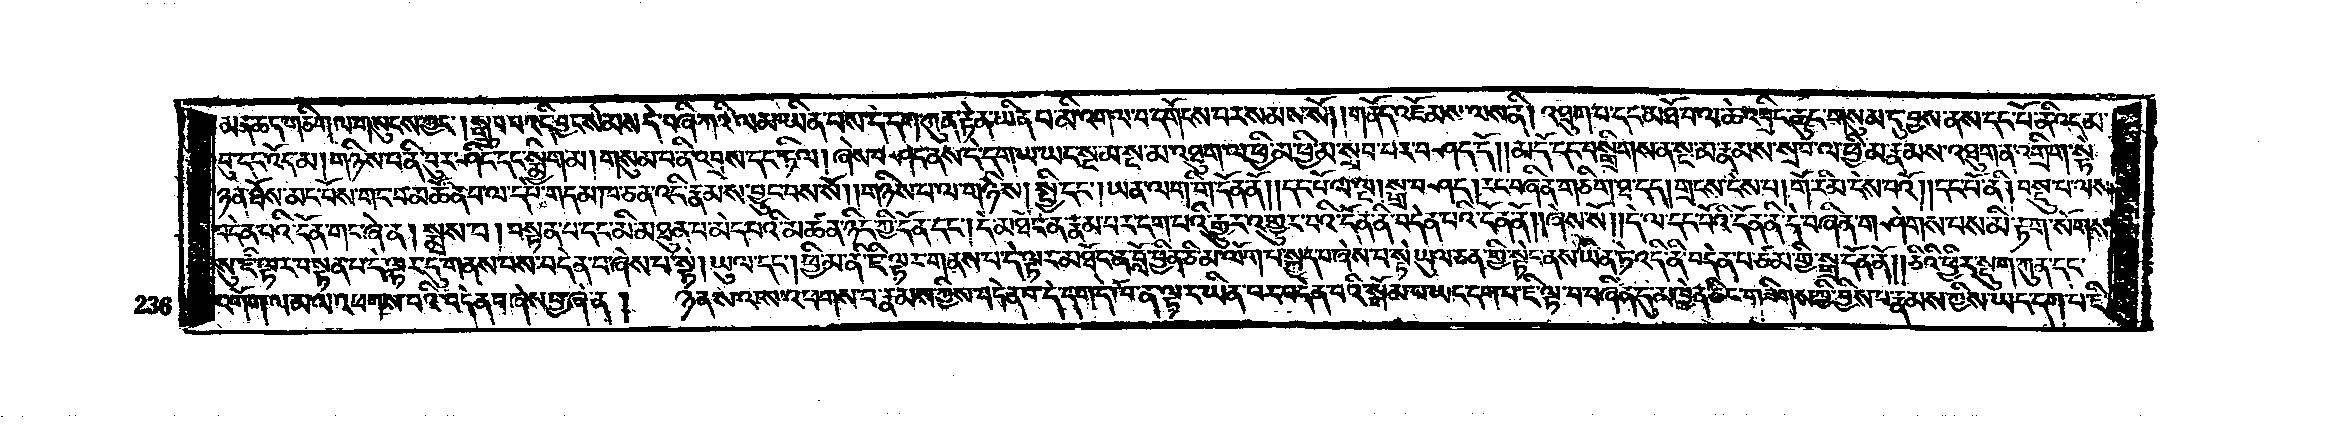མན་ཆད་གཅིག་ལ་གསུངས་ཀྱང་། སྒྲུབ་པ་འདི་བྱང་སེམས་དེ་བཞི་ཀའི་ལམ་ཡིན་པས་དེ་དག་ཀུན་རྟེན་ཡིན་པ་མི་འགལ་བ་དགོངས་པར་སེམས་སོ། །གནོད་འཇོམས་ལས་ནི། འཐུག་པ་དང་མཐོ་བ་ལ་ཆེ་འབྲིང་ཆུང་གསུམ་དུ་བྱས་ནས་དང་པོ་ནི་འདམ་
བུ་དང་འོད་མ། གཉིས་པ་ནི་བུར་ཤིང་དང་སྨྱིག་མ། གསུམ་པ་ནི་འབྲས་དང་ཏིལ། ཞེས་བཤད་ནས་དེ་དག་ལ་ཡང་སྔ་མ་སྔ་མ་འཐུག་ལ་ཕྱི་མ་ཕྱི་མ་སྲབ་པར་བཤད་དོ། །མདོ་དང་བསྒྲིགས་ན་སྔ་མ་རྣམས་སྲབ་ལ་ཕྱི་མ་རྣམས་འཐུག་ན་འགྲིག་སྟེ་
ཉན་ཐོས་མང་པོས་གང་བ་མཚོན་པ་ལ་དཔེ་གདམ་ཁ་ཅན་འདི་རྣམས་བྱུང་བས་སོ། །གཉིས་པ་ལ་གཉིས། སྤྱི་དང་། ཡན་ལག་གི་དོན་ནོ། །དང་པོ་ལ་ལྔ། སྒྲ་བཤད། རང་བཞིན་གཅིག་ཐ་དད། གྲངས་ངེས་པ། གོ་རིམ་ངེས་པའོ། །དང་པོ་ནི། བསྡུ་པ་ལས་བདེན་པའི་དོན་གང་ཞེ་ན། སྨྲས་པ། བསྟན་པ་དང་མི་མཐུན་པ་མེད་པའི་མཚན་ཉིད་ཀྱི་དོན་དང་། དེ་མཐོང་ན་རྣམ་པར་དག་པའི་རྒྱུར་འགྱུར་པའི་དོན་ནི་བདེན་པའི་དོན་ནོ། །ཞེས་སོ། །དེ་ལ་དང་པོའི་དོན་ནི་དེ་བཞིན་གཤེགས་པས་མི་རྟག་སོགས་
སུ་ཇི་ལྟར་བསྟན་པ་དེ་ལྟར་དུ་གནས་པས་བདེན་པ་ཞེས་པ་སྟེ། ཡུལ་དང་། ཕྱི་མ་ནི་ཇི་ལྟར་གནས་པ་དེ་ལྟར་མཐོང་ན་བློ་ཕྱིན་ཅི་མ་ལོག་པ་སྐྱེད་པ་ཞེས་པ་སྟེ་ཡུལ་ཅན་གྱི་སྟེང་ནས་ཡིན་ཏེ་འདི་ནི་བདེན་པ་ཙམ་གྱི་སྒྲ་དོན་ནོ། །ཅིའི་ཕྱིར་སྡུག་ཀུན་དང་
འགོག་ལམ་ལ་འཕགས་པའི་བདེན་པ་ཞེས་བྱ་ཞེ་ན། ཉན་ས་ལས་འཕགས་པ་རྣམས་ཀྱིས་བདེན་པ་དེ་དག་དེ་ཁོ་ན་ལྟར་ཡིན་པར་བདེན་པའི་སྒོམ་པ་ཡང་དག་པ་ཇི་ལྟ་བ་བཞིན་དུ་མཁྱེན་ཅིང་གཟིགས་ཀྱི་བྱིས་པ་རྣམས་ཀྱིས་ཡང་དག་པ་ཇི་